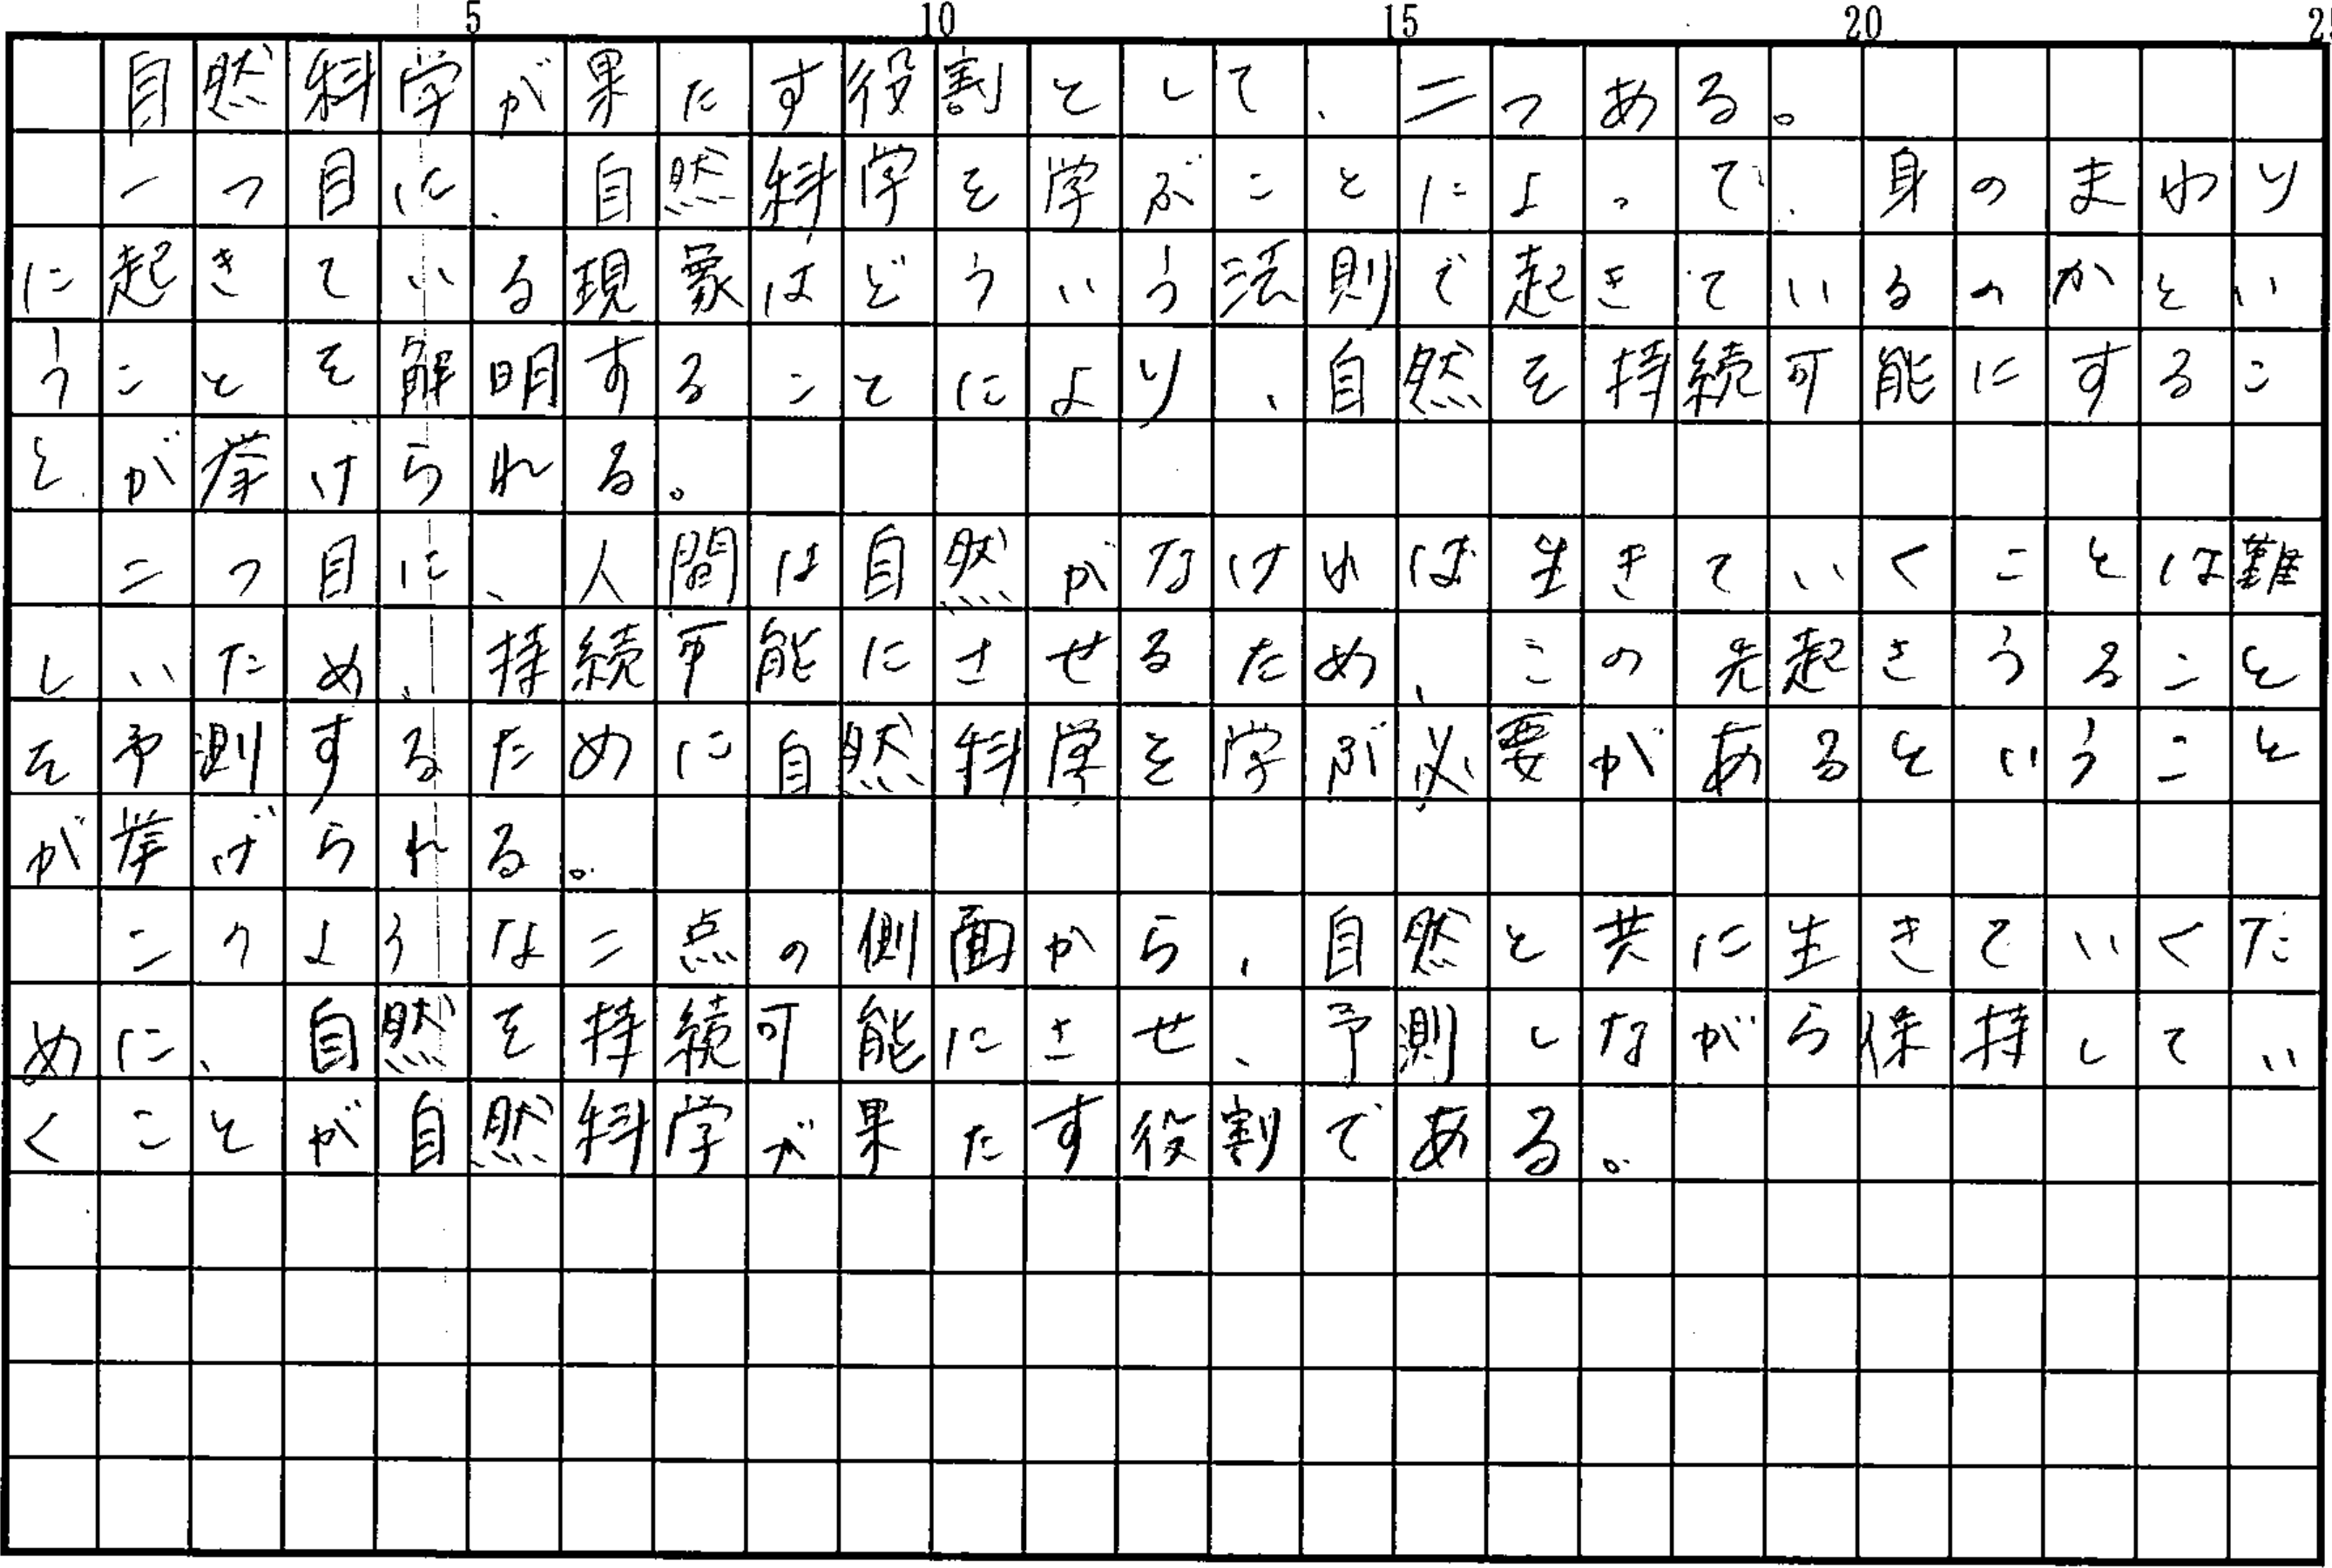　自然科学が果たす役割として、二つある。
　一つ目に、自然科学を学ぶことによって、身のまわりに起きている現象はどういう法則で起きているのかということを解明することにより、自然を持続可能にすることが挙げられる。
　二つ目に、人間は自然がなければ生きていくことは▁しいため、持続可能にさせるため、この先起きうることを予測するために自然科学を学ぶ必要があるということが挙げられる。
　このような二点の側面から、自然と共に生きていくために、自然を持続可能にさせ、予測しながら保持していくことが自然科学が果たす役割である。
